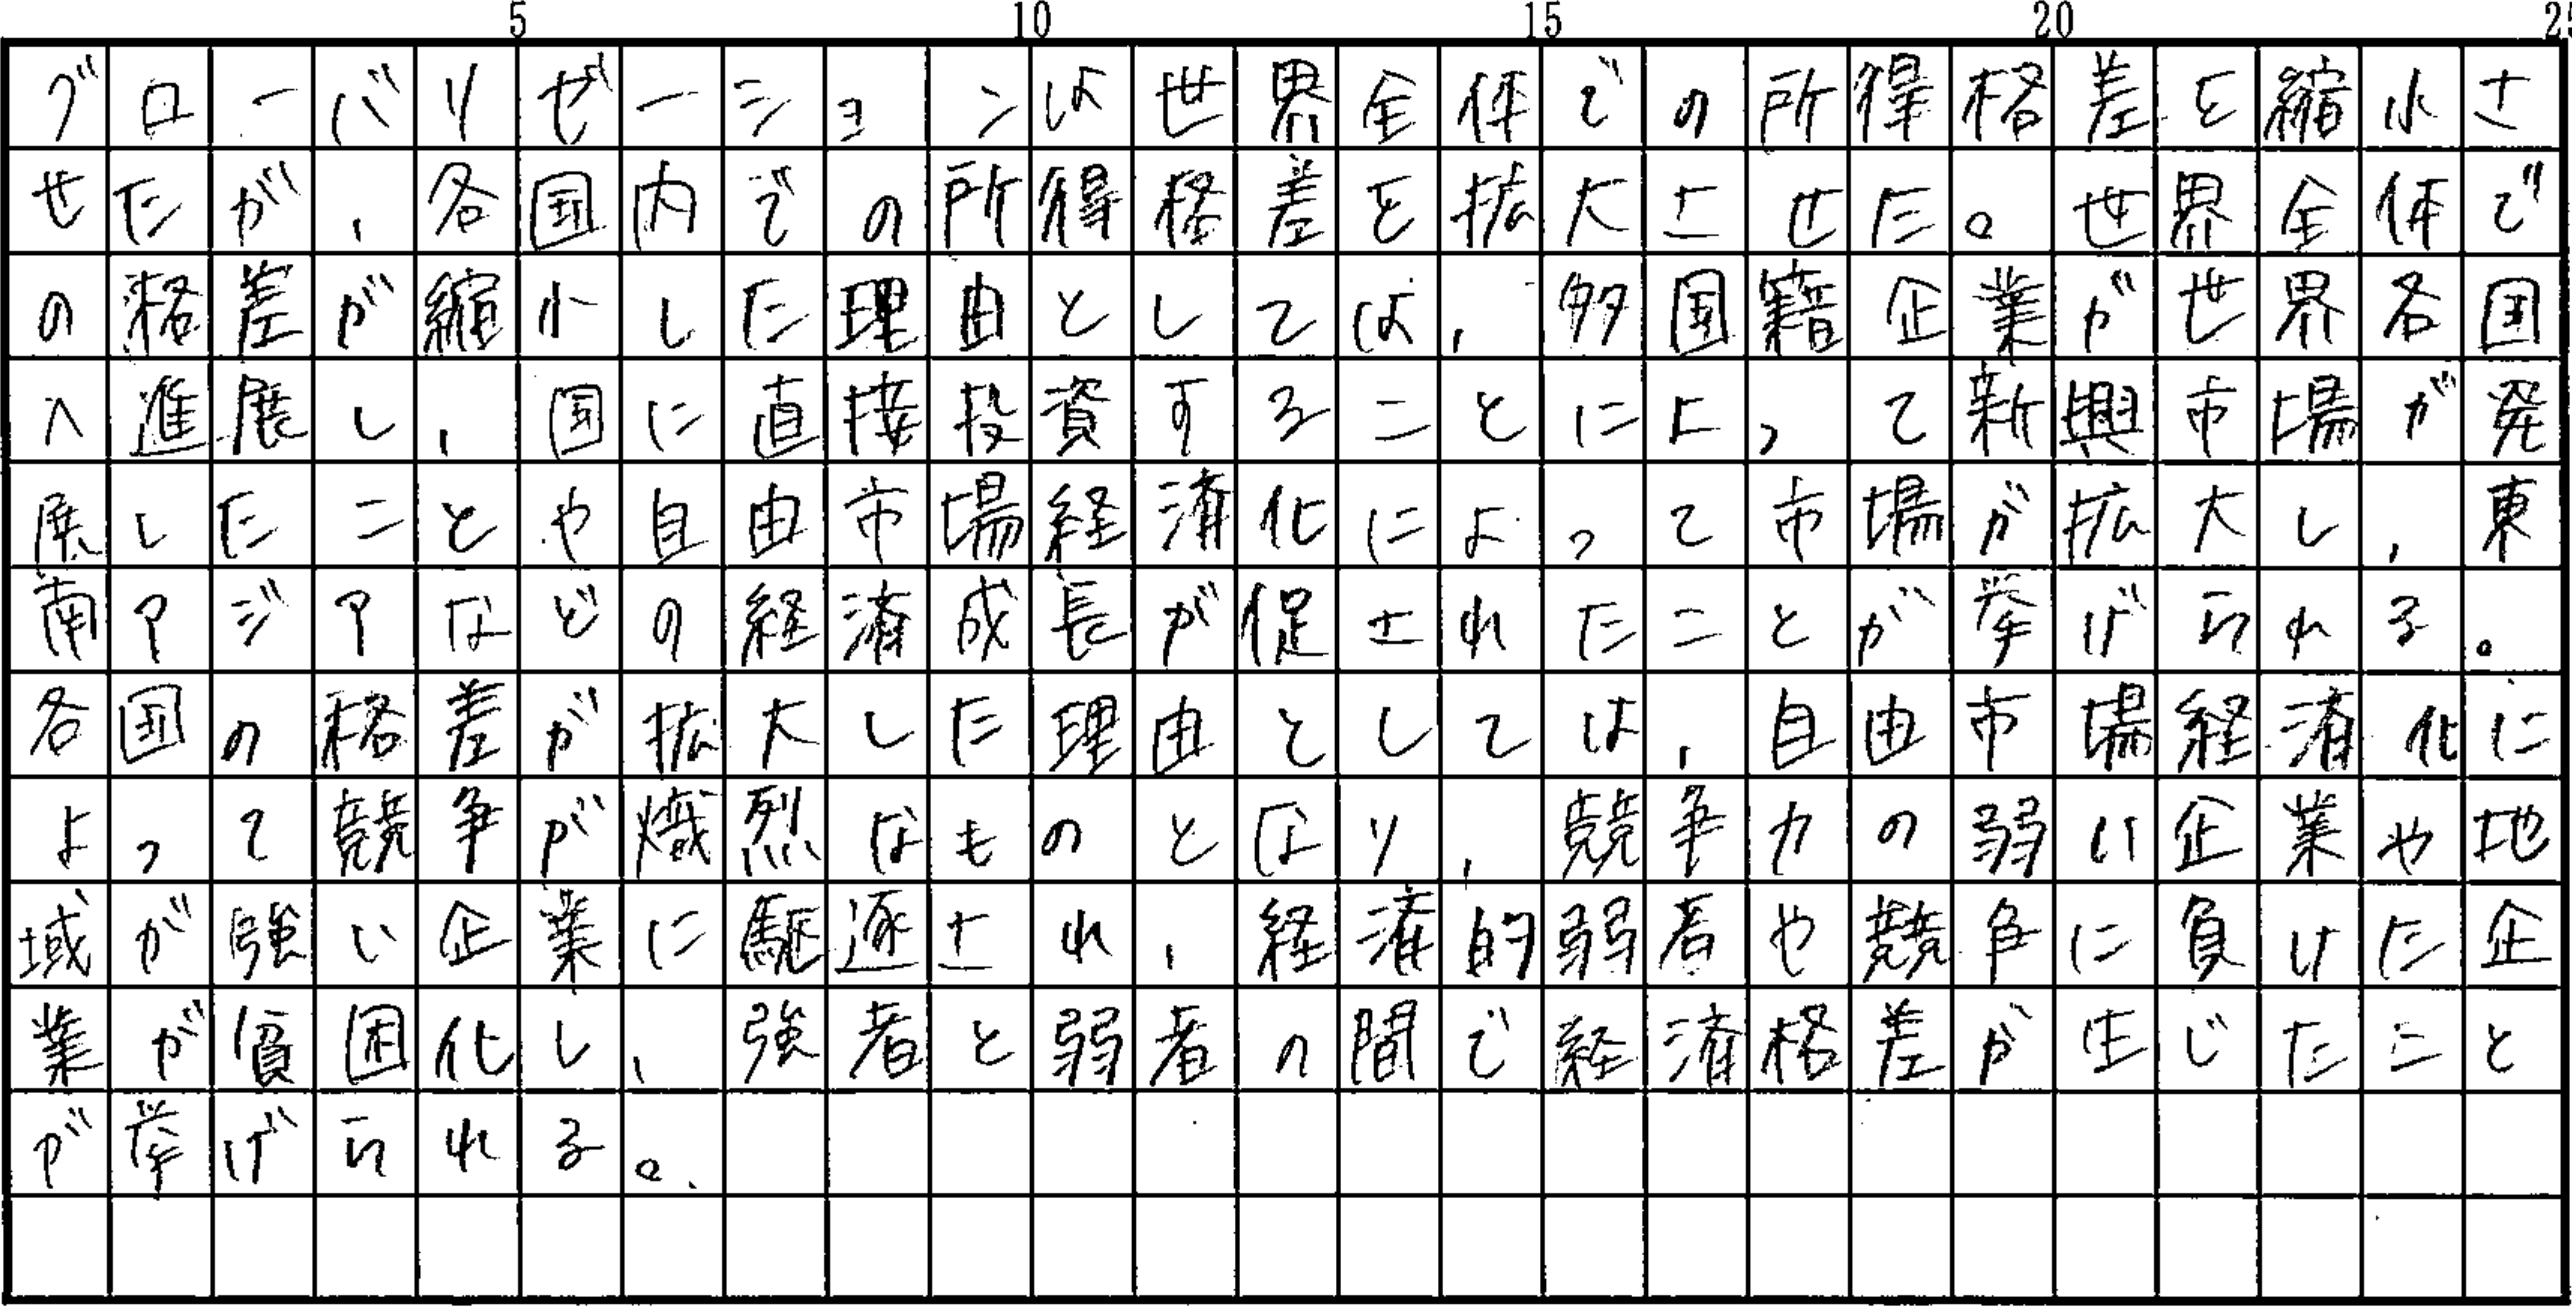グローバリゼーションは世界全体での所得格差を縮小させたが、各国内での所得格差を拡大させた。世界全体での格差が縮小した理由としては、多国籍企業が世界各国へ進展し、国に直接投資することによって新興市場が発展したことや自由市場経済化によって市場が拡大し、東南アジアなどの経済成長が促されたことが挙げられる。各国の格差が拡大した理由としては、自由市場経済化によって競争が熾烈なものとなり、競争力の弱い企業や地域が強い企業に駆逐され、経済的弱者や競争に負けた企業が貧困化し、強者と弱者の間で経済格差が生じたことが挙げられる。
